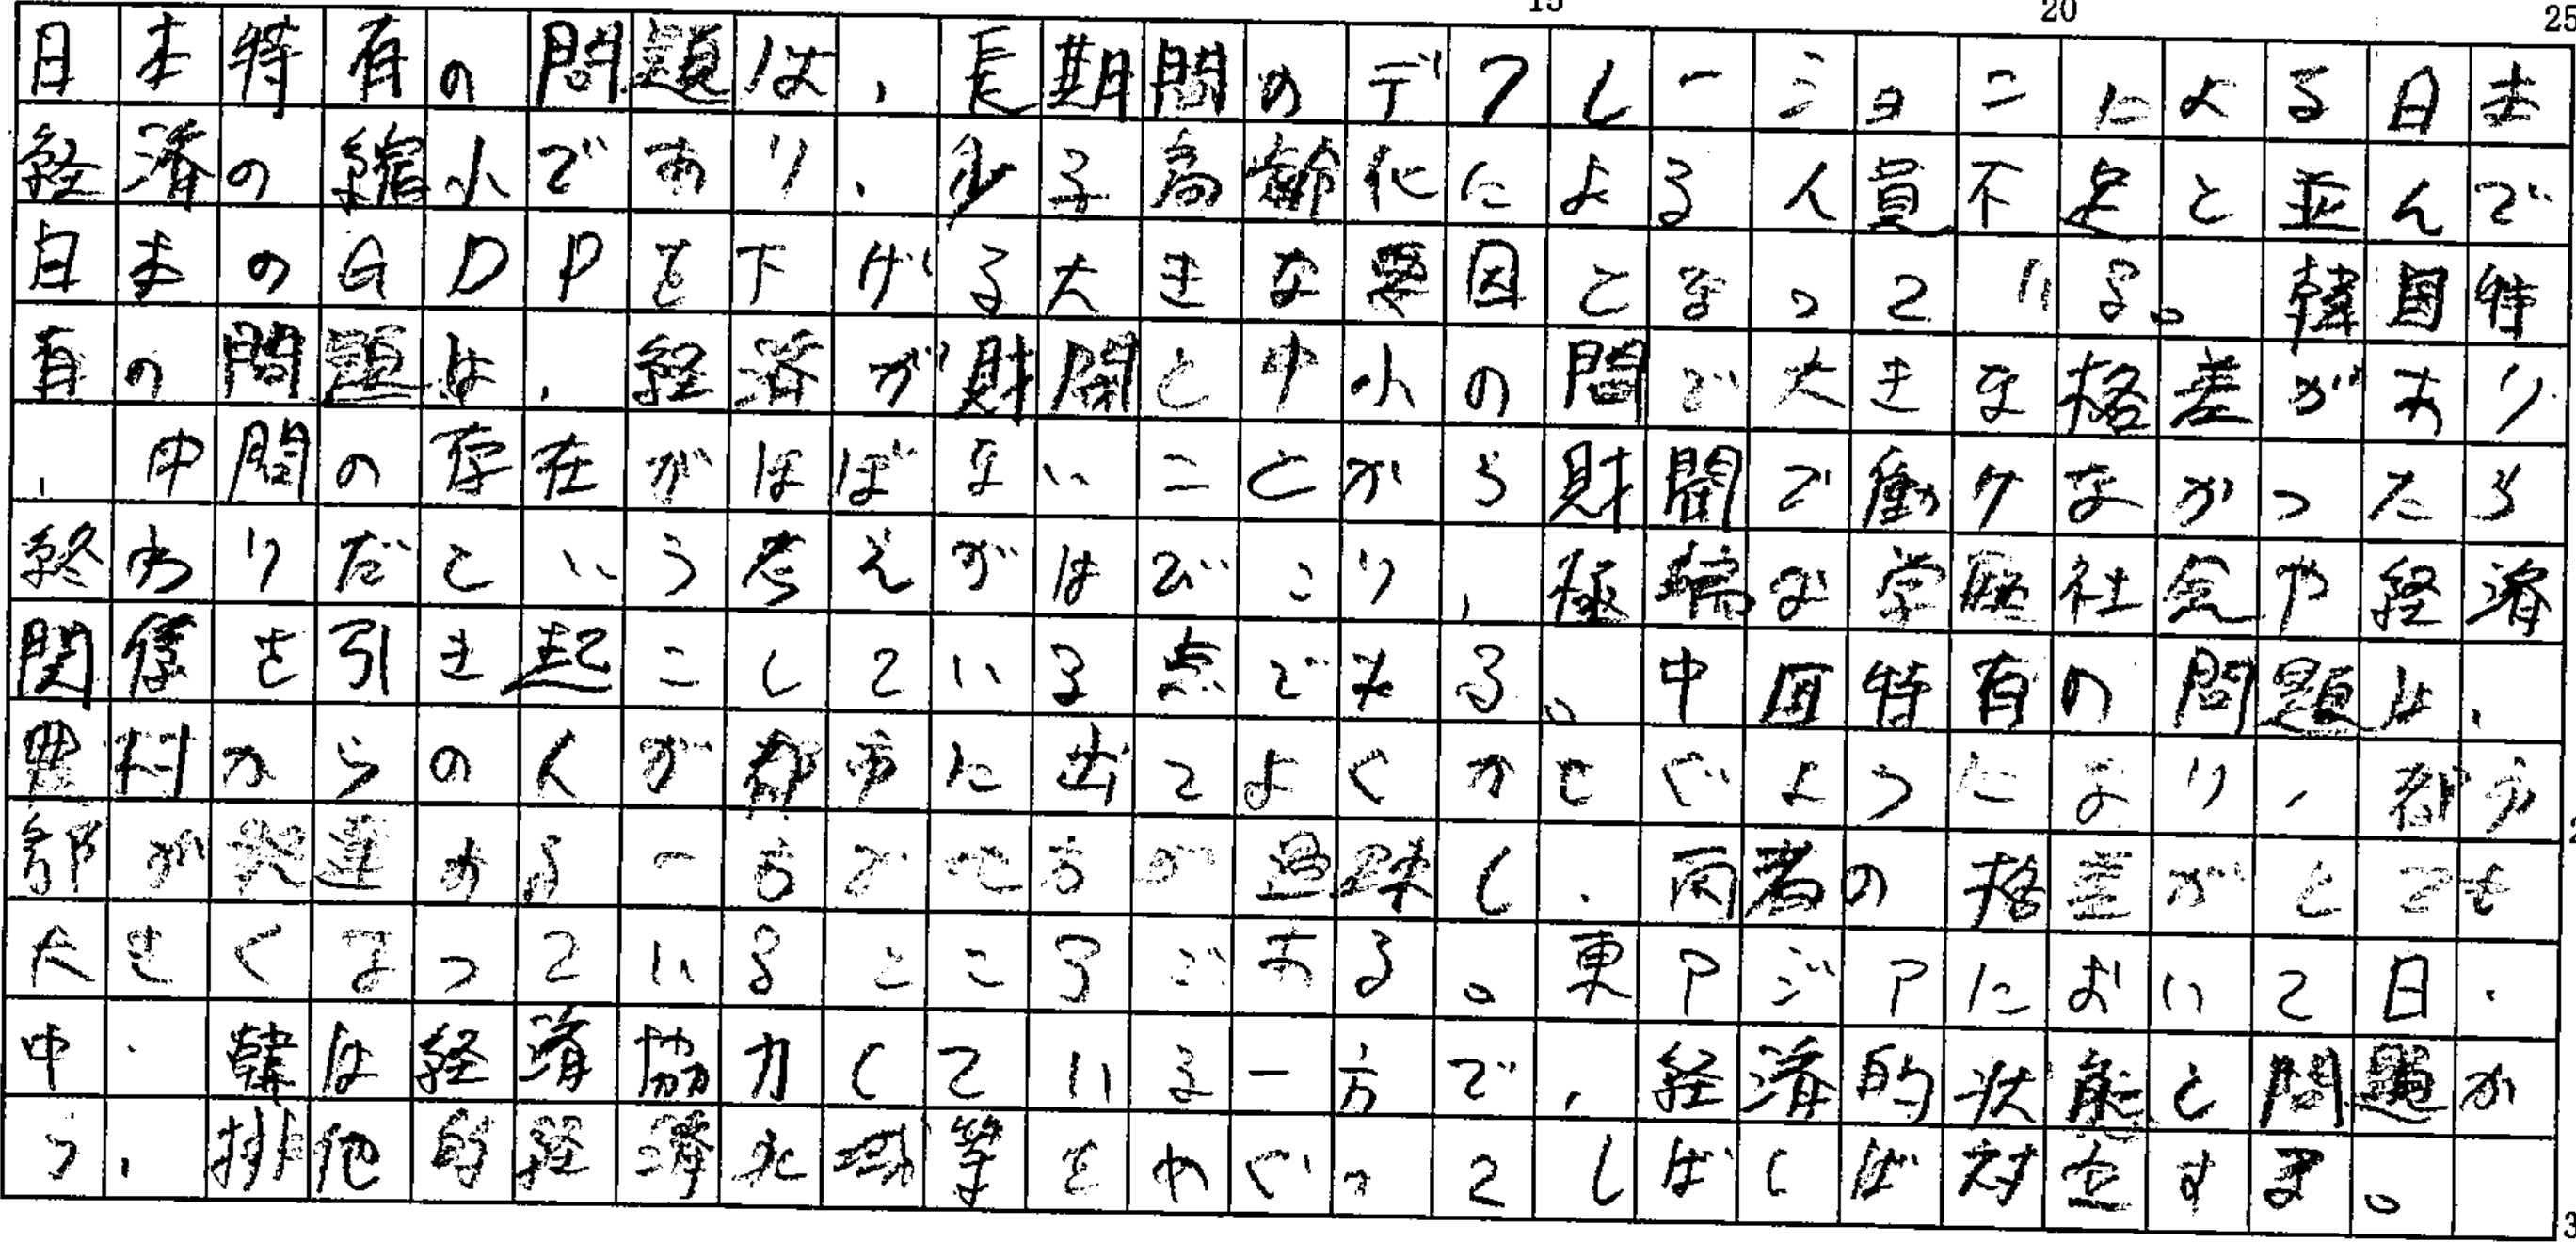日本特有の問題は，長期間のデフレーションによる日本経済の縮小であり、少子高齢化による人員不足と並んで日本のＧＤＰを下げる大きな要因となっている。韓国特有の問題は、経済が財閥と中小の間で大きな格差があり，中間の存在がほぼないことから財閥で働けなかったら終わりだという考えがはびこり，極端な学歴社会や経済関係を引き起こしている点である。中国特有の問題は、農村からの人が都市に出てよくかせぐようになり，都市部が発達する一方で地方が過疎し、両者の格差がとても大きくなっているところである。東アジアにおいて日・中・韓は経済協力している一方で，経済的状態と問題から，排他的経済水域等をめぐってしばしば対立する。
